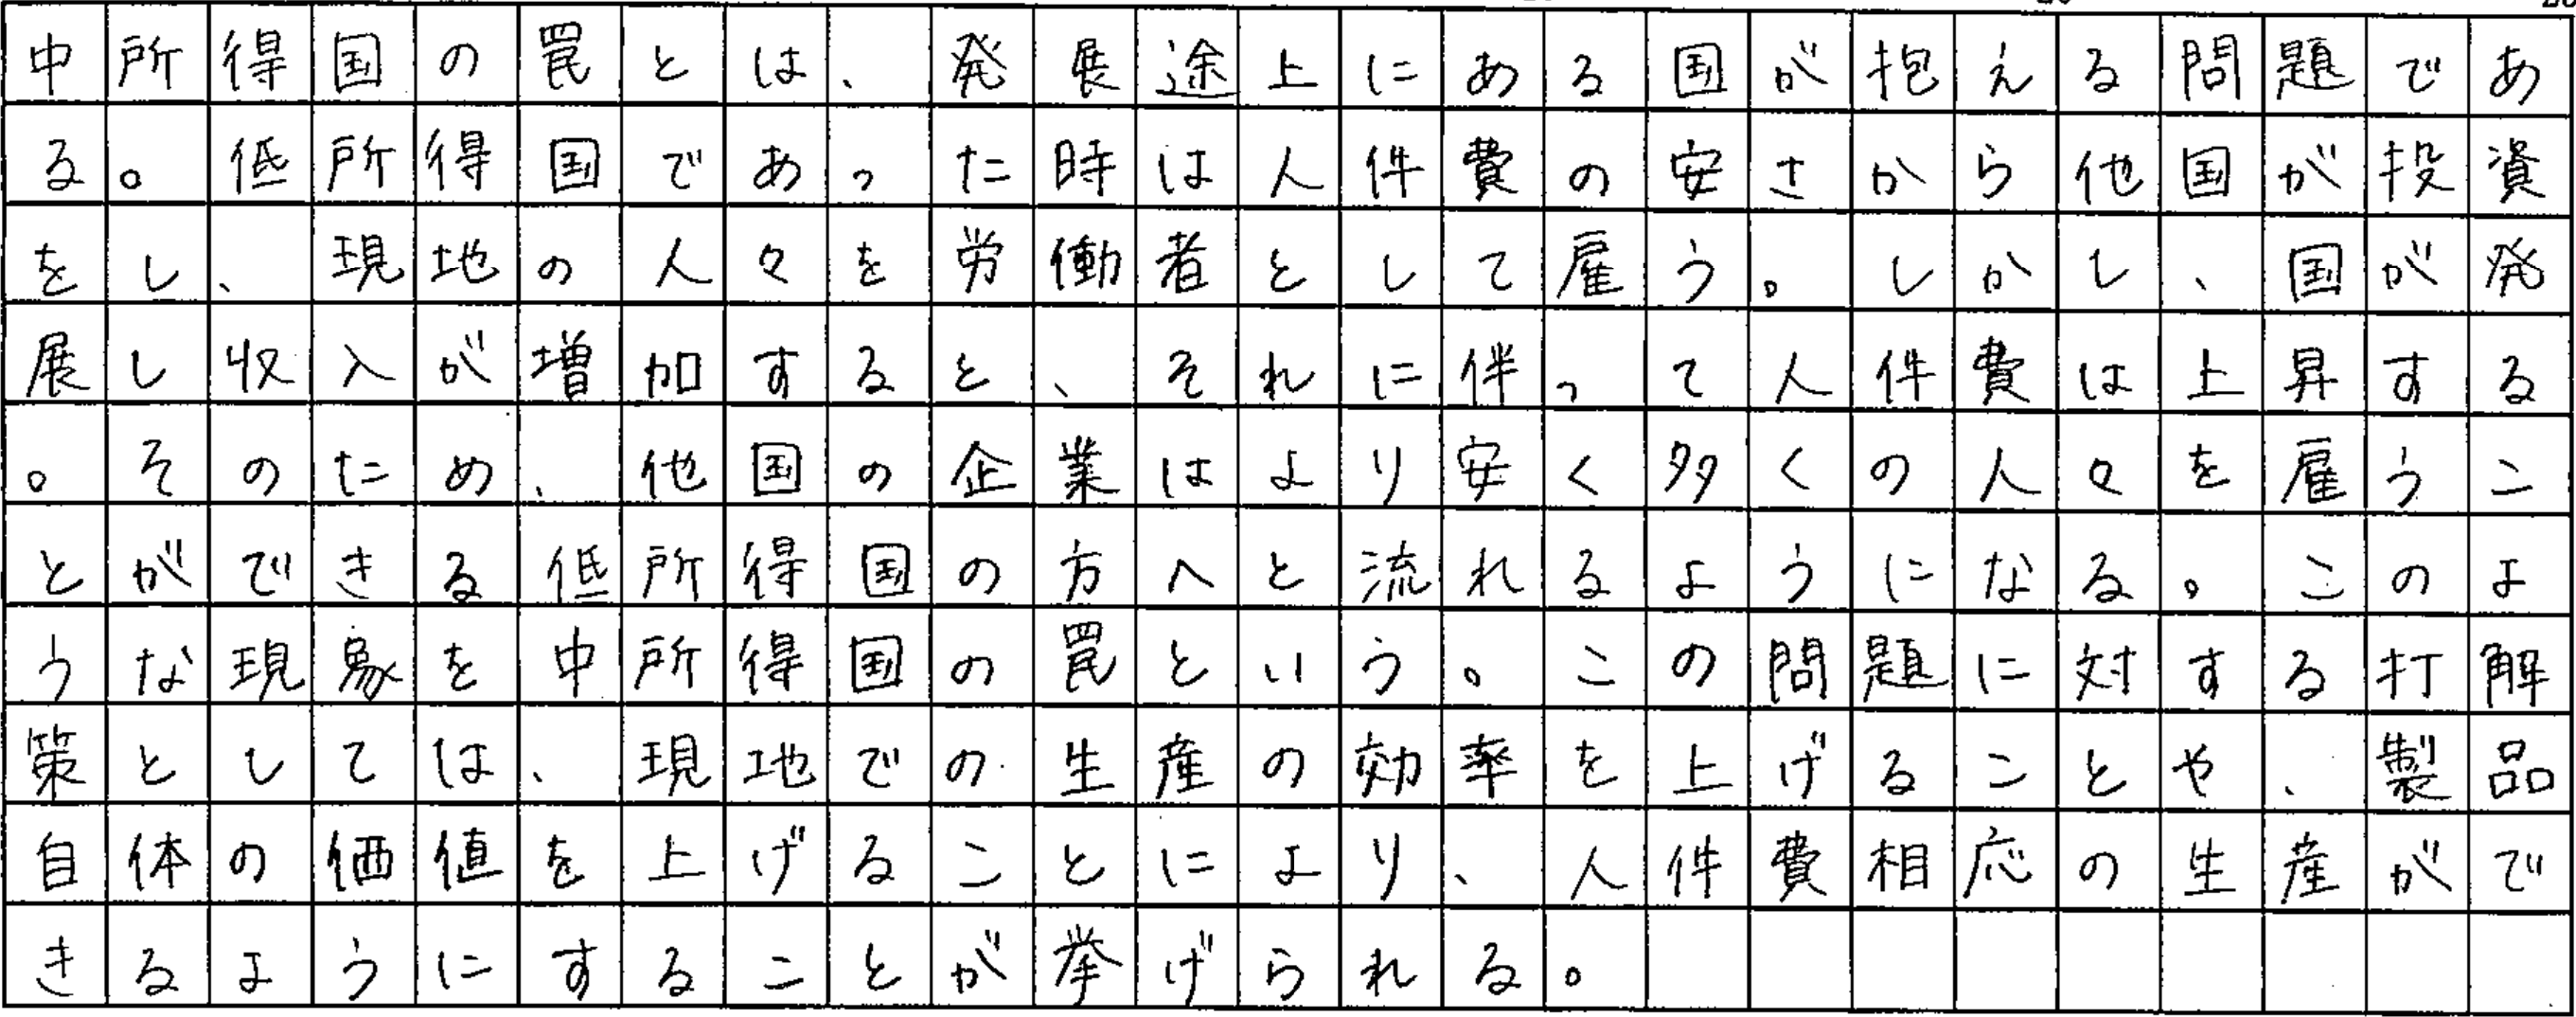中所得国の罠とは、発展途上にある国が抱える問題である。低所得国であった時は人件費の安さから他国が投資をし、現地の人々を労働者として雇う。しかし、国が発展し収入が増加すると、それに伴って人件費は上昇する。そのため、他国の企業はより安く多くの人々を雇うことができる低所得国の方へと流れるようになる。このような現象を中所得国の罠という。この問題に対する打解策としては、現地での生産の効率を上げることや、製品自体の価値を上げることにより、人件費相応の生産ができるようにすることが挙げられる。
